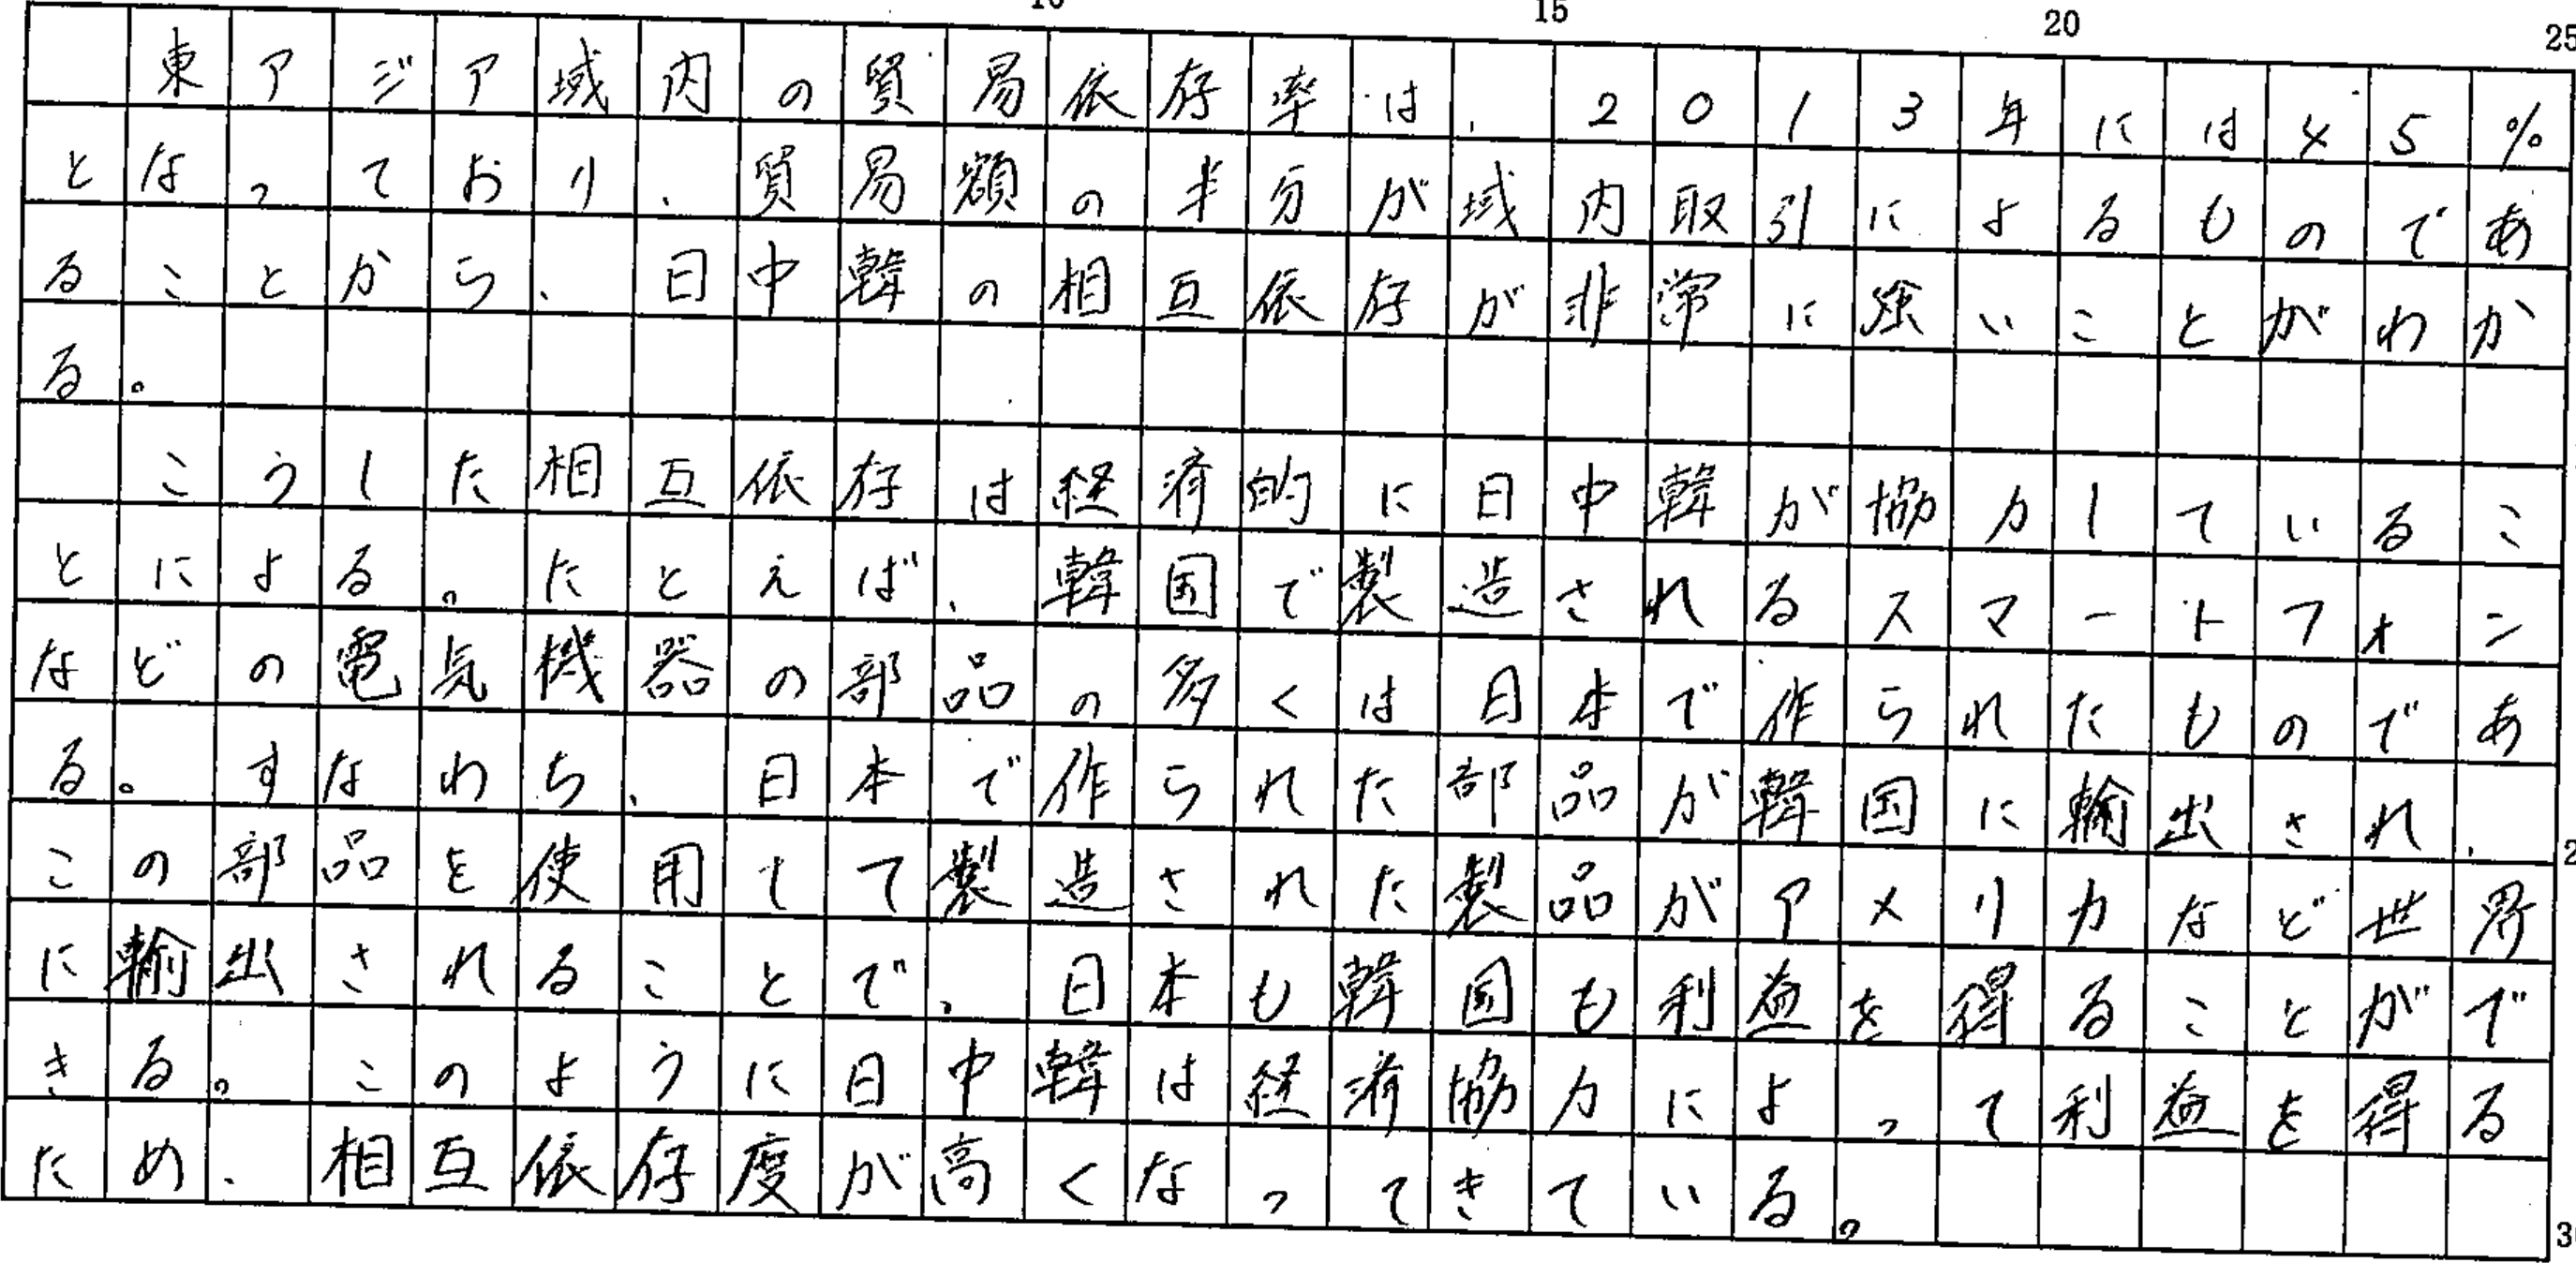　東アジア域内の貿易依存率は、２０１３年には４５％となっており、貿易額の半分が域内取引によるものであることから、日中韓の相互依存が非常に強いことがわかる。
　こうした相互依存は経済的に日中韓が協力していることによる。たとえば、韓国で製造されるスマートフォンなどの電気機器の部品の多くは日本で作られたものである。すなわち、日本で作られた部品が韓国に輸出され、この部品を使用して製造された製品がアメリカなど世界に輸出されることで、日本も韓国も利益を得ることができる。このように日中韓は経済協力によって利益を得るため、相互依存度が高くなってきている。
